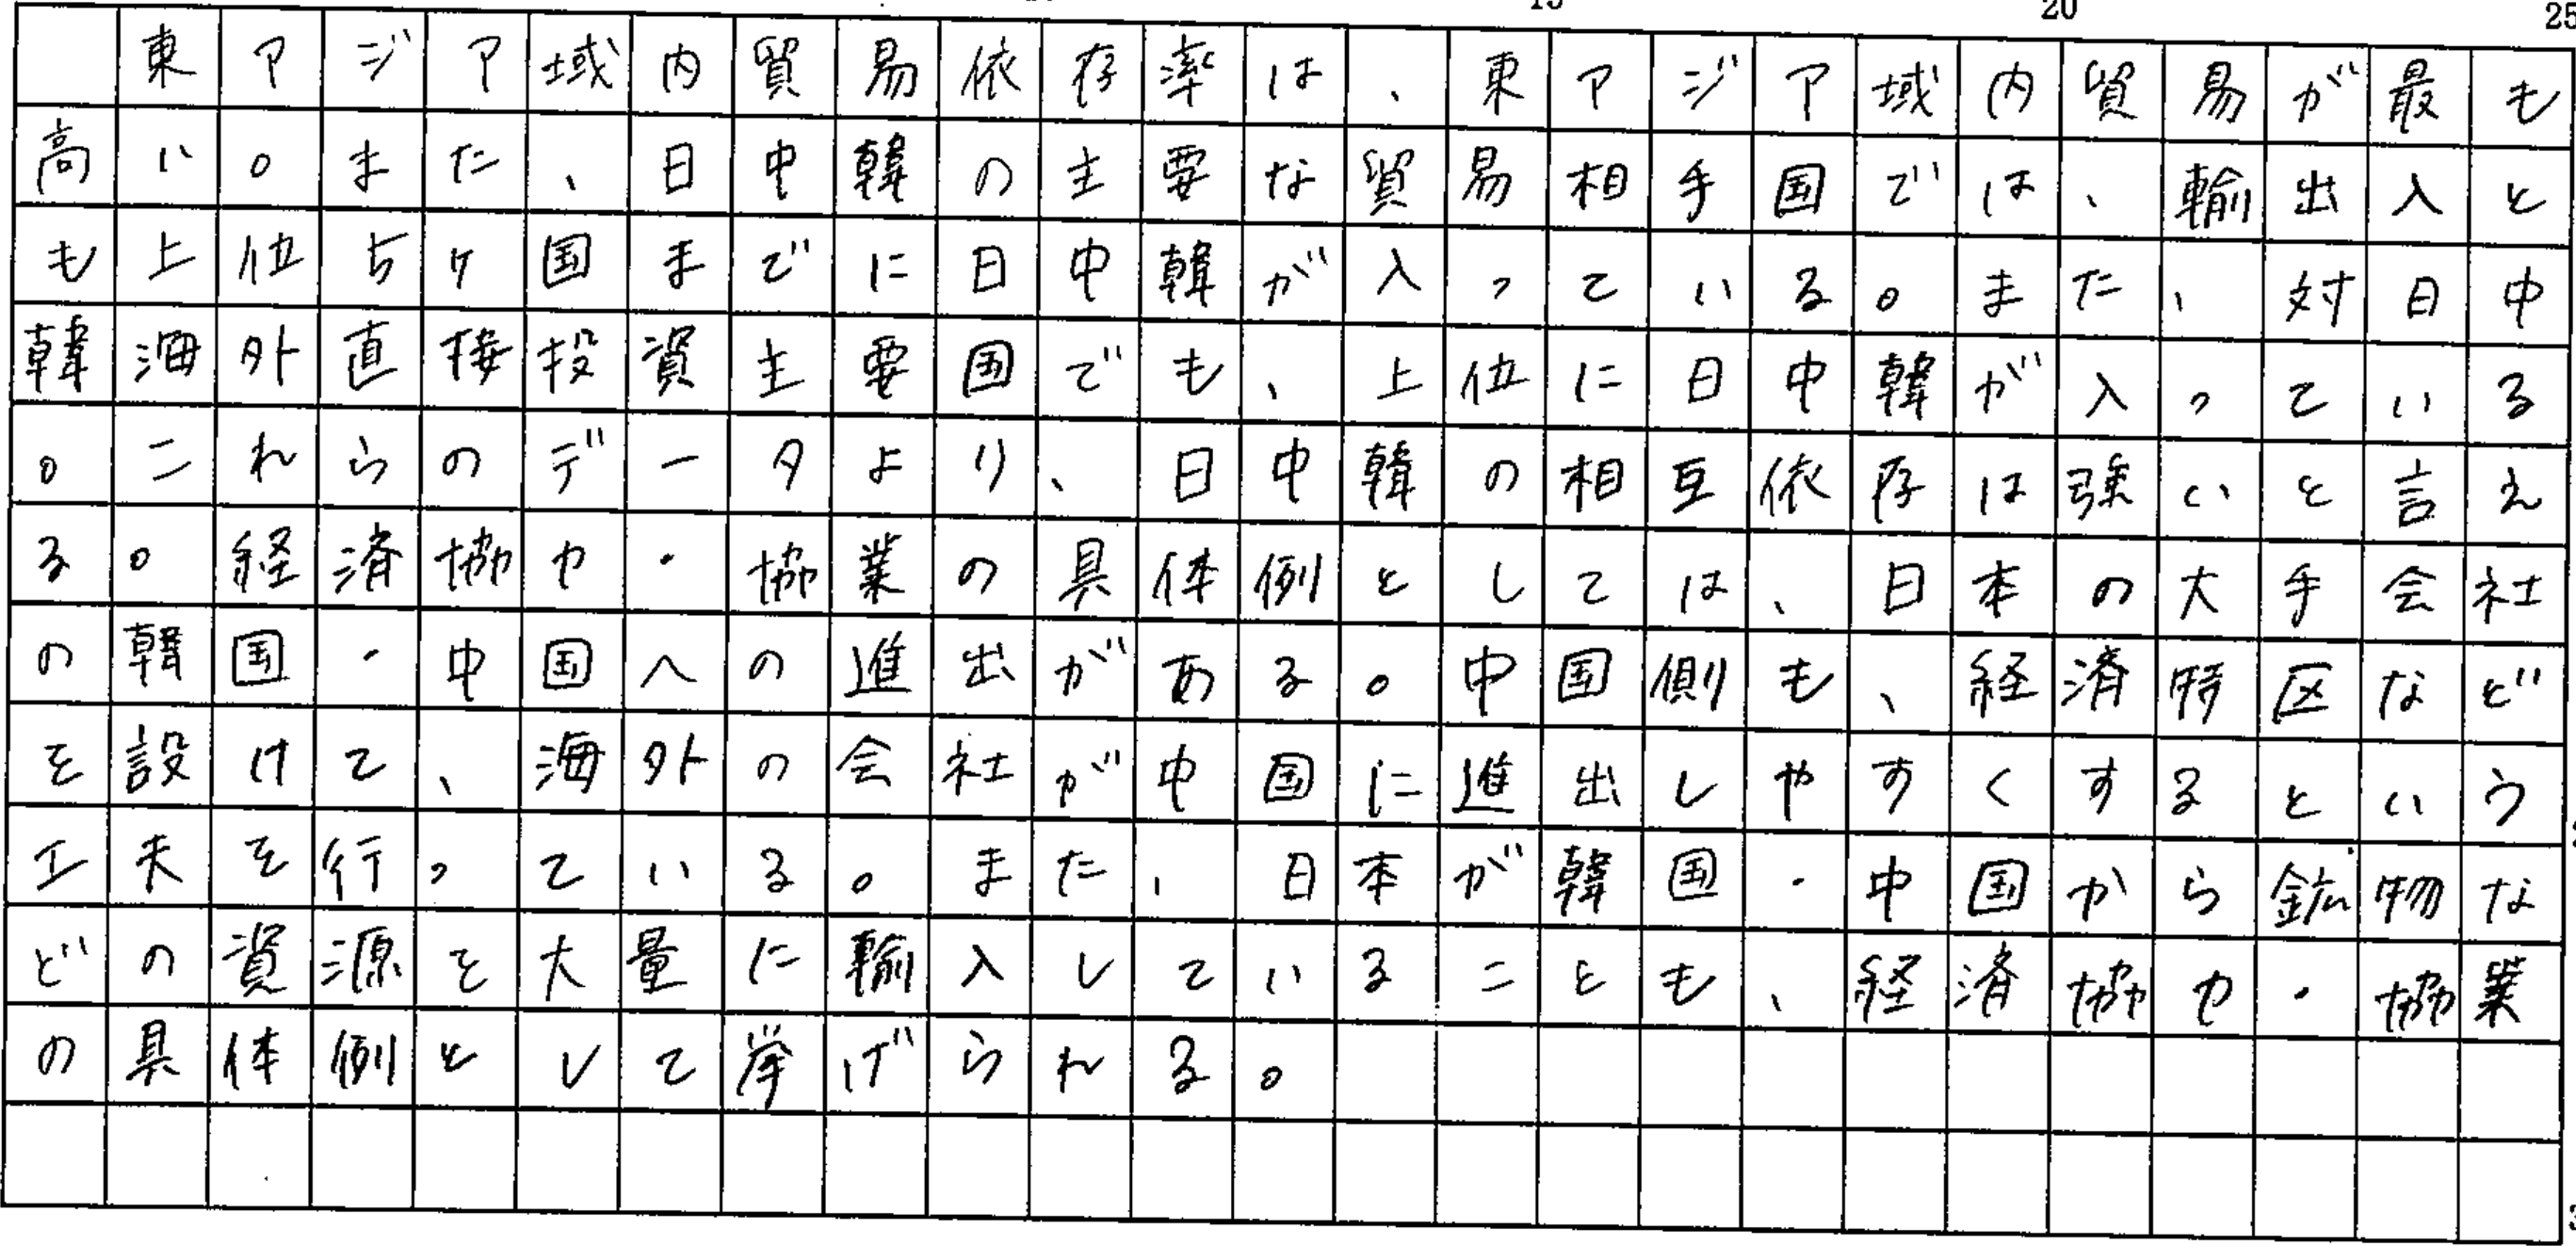　東アジア域内貿易依存率は、東アジア域内貿易が最も高い。また、日中韓の主要な貿易相手国では、輸出入とも上位５ヶ国までに日中韓が入っている。また、対日中韓海外直接投資主要国でも、上位に日中韓が入っている。これらのデータより、日中韓の相互依存は強いと言える。経済協力・協業の具体例としては、日本の大手会社の韓国・中国への進出がある。中国側も、経済特区などを設けて、海外の会社が中国に進出しやすくするという工夫を行っている。また、日本が韓国・中国から鉱物などの資源を大量に輸入していることも、経済協力・協業の具体例として挙げられる。
